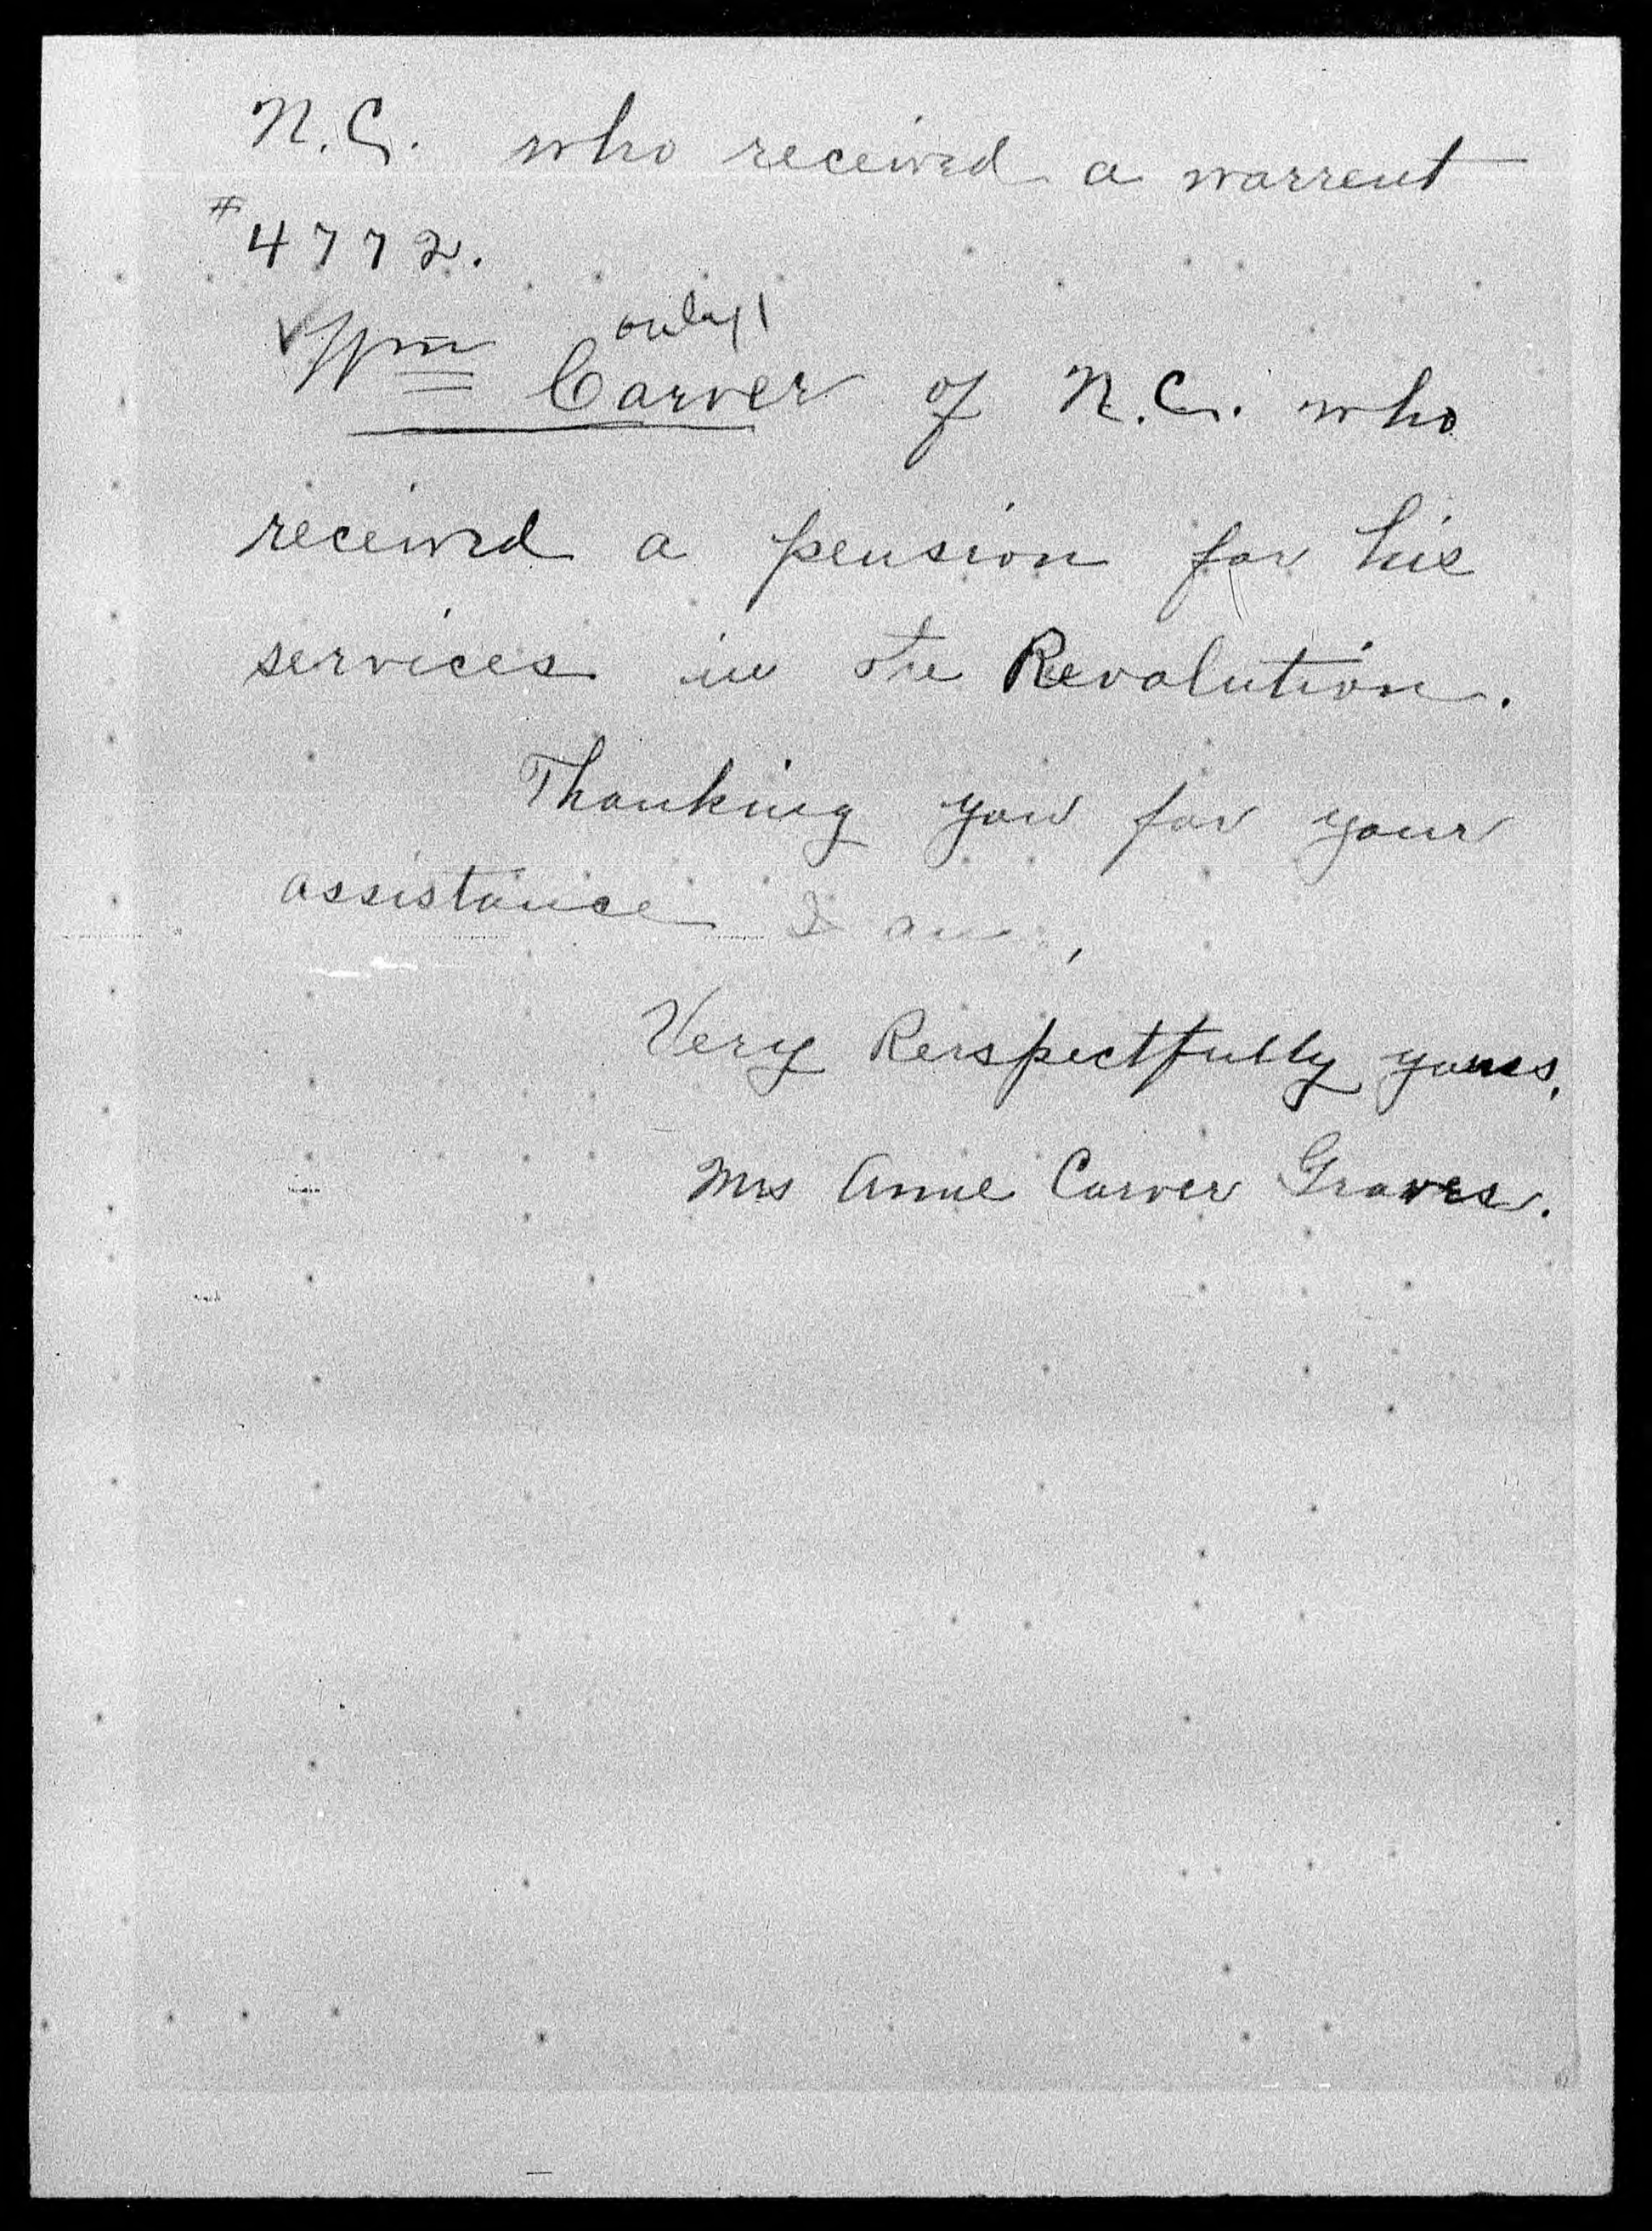N.C. who received a warrant
#4772

Wm. Carver of NC who received a pension for his service in the Revolution.

Thanking you for your assistance

I am ,

Very Respectfully yours,

Mrs. Anne Carver Graves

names: Anne Carver Graves, Wm Carver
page: 19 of 22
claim: survivor's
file: S. 3408, Reuben Graves, Va.